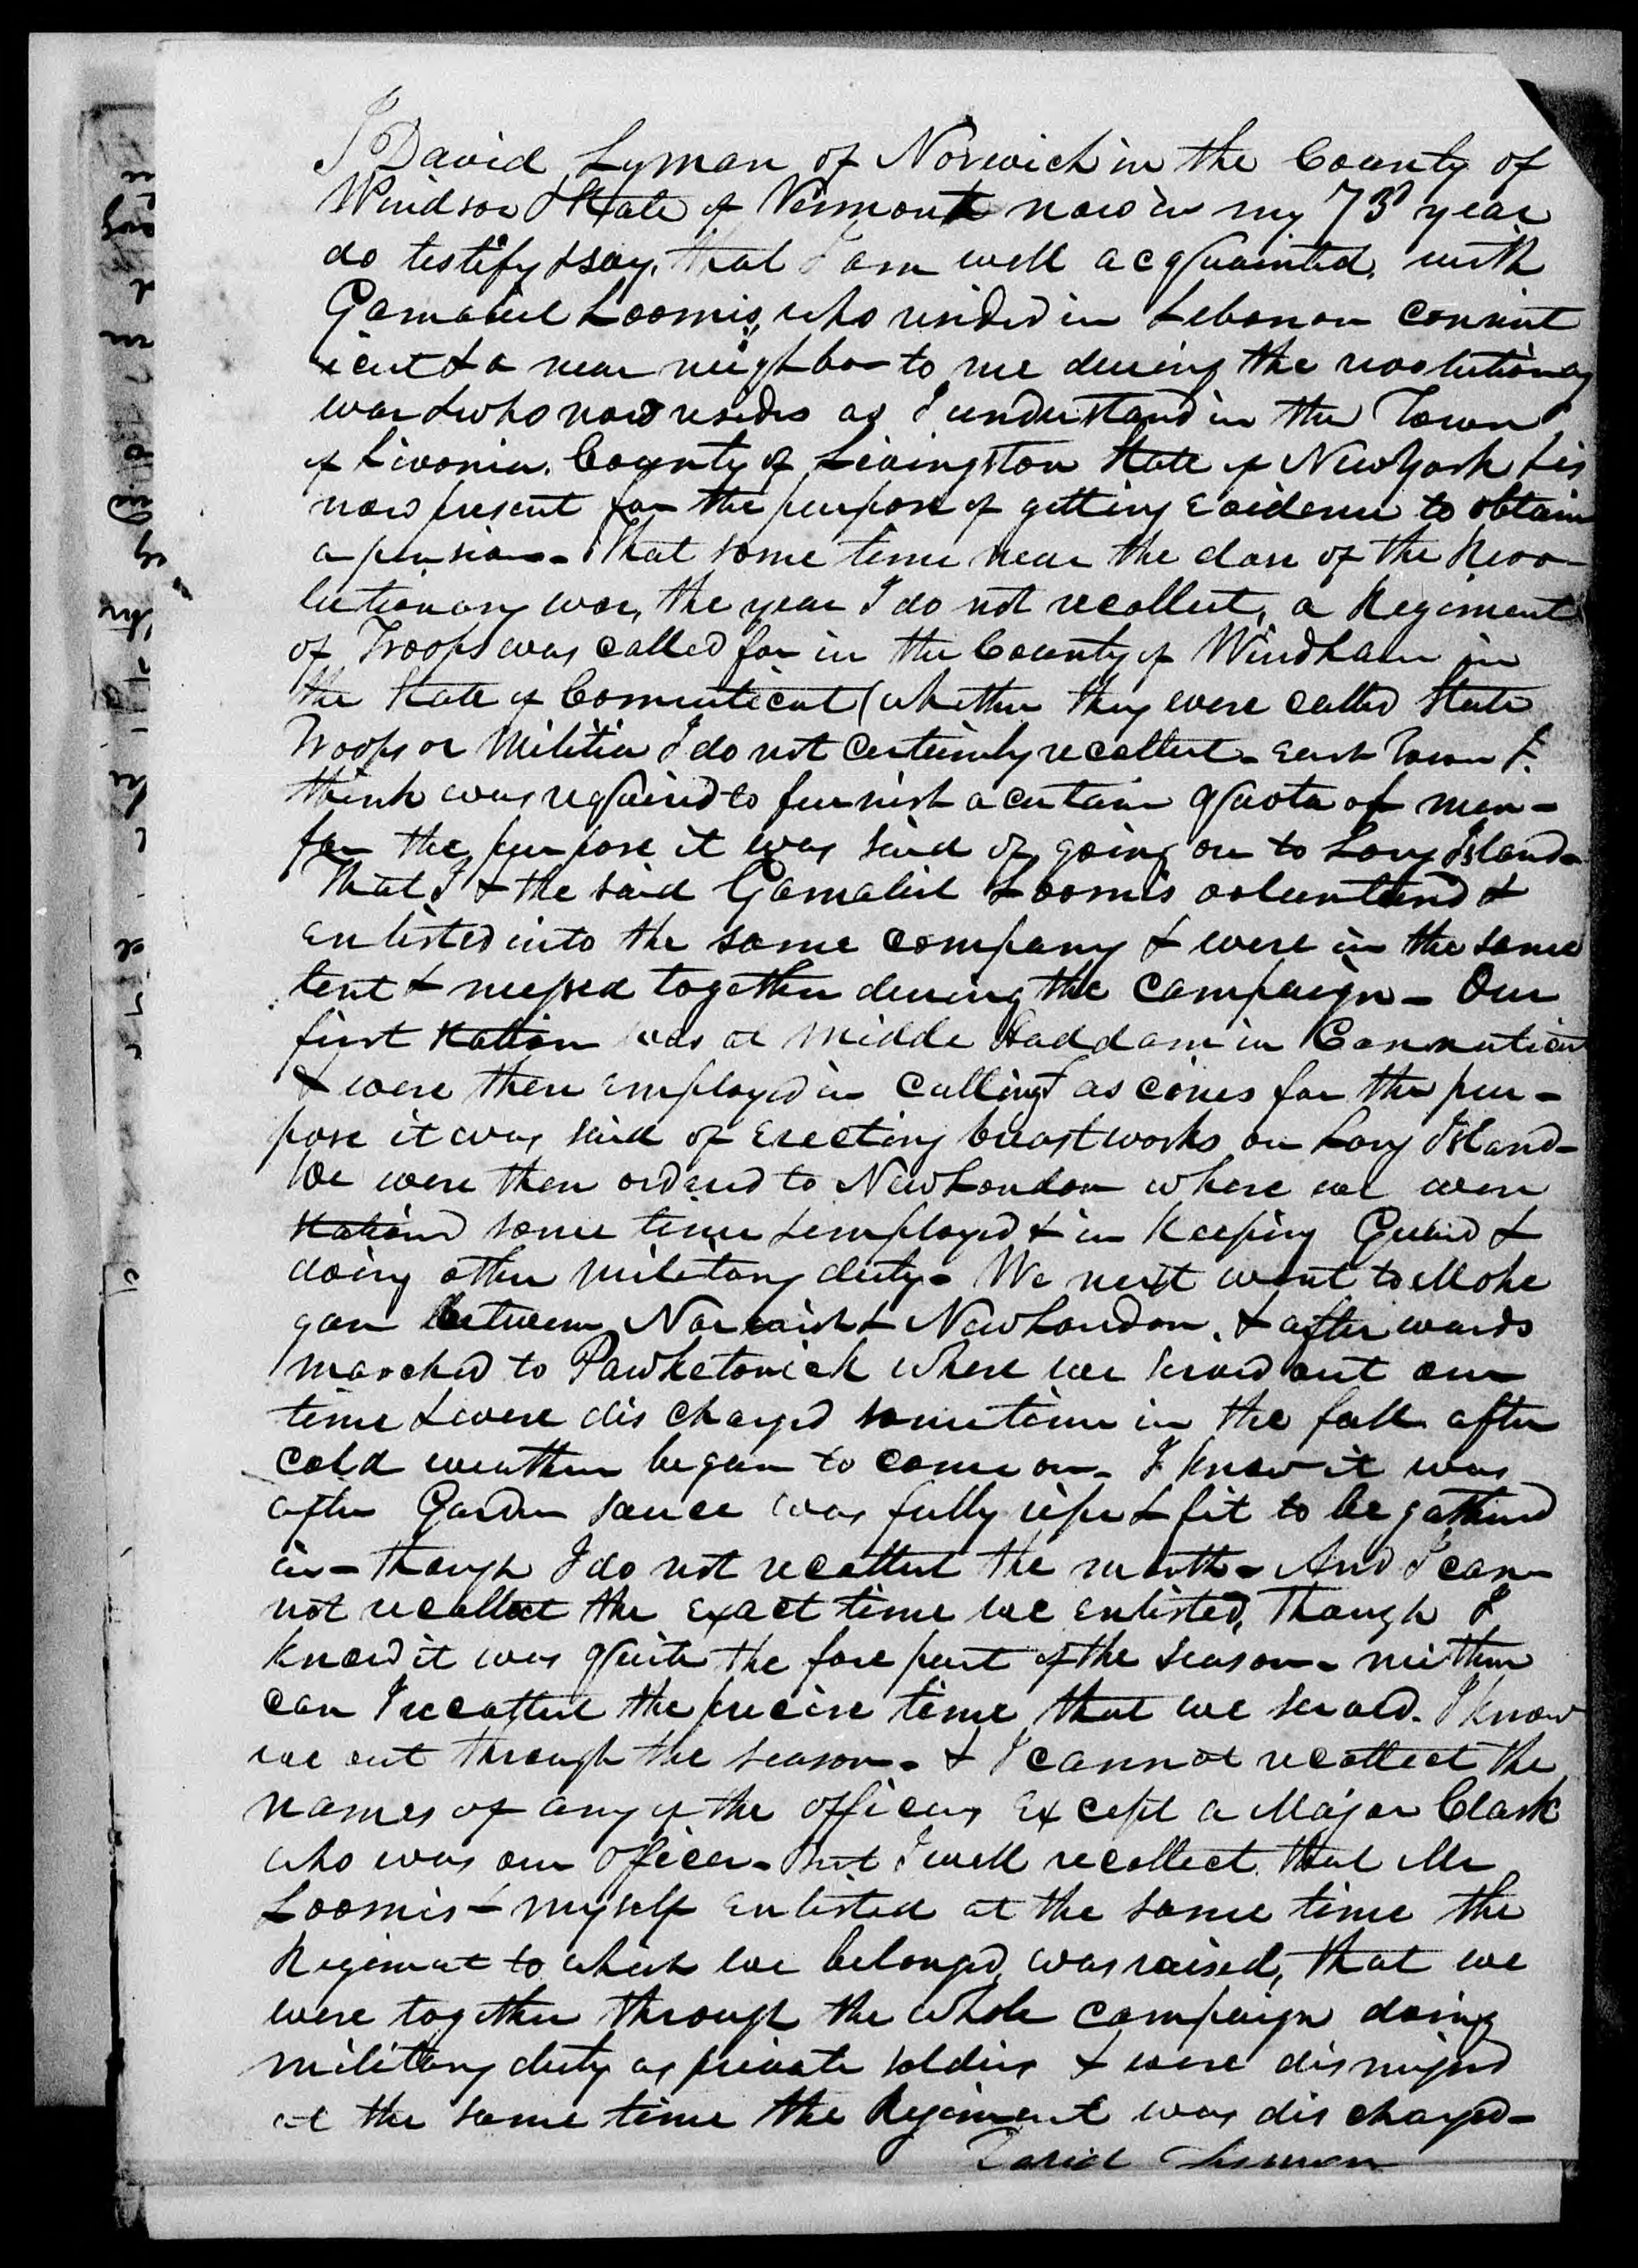I David Lyman of Norwich in the County of Windsor State of Vermont man in my 73 year do testify & say that I am well acquainted with Gamaliel Loomis who resided in Lebanon Connecticut a near neighbor to me during the revolutionary war & who now resides as I understand in the Town of Livonia County of Livingston State of New York his now present for the purpose of getting evidence to obtain a pension. That some time near the start of the Revolutionary War, the year I do not recollect, a Regiment of Troops was called for in the County of Windham in the State of Connecticut (whether they were called State Troops or Militia I do not certainly recollect. Each Town I think was required to furnish a certain quota of men for the purpose it was said of going out to Long Island. That I & the said Gamaliel Loomis volunteered & enlisted into the same company & were in the same tent & were together during the campaign - Our first station was at Middle Haddam in Connecticut & were then employed in culling as cines for the purpose it was said of erecting [illegible]works on Long Island - as were then ordered to New London where we were stationed some time & employed in keeping guard & doing other military duty. We next went to Mohegan between Norwich & New London. & afterwards marched to Pawketonich where we paid out our time & were discharged sometime in the fall after cold weather began to come on. I knew it was after Garden sauce was fully ripe & fit to be gathered in - thought I do not recollect the month. And I can not recollect the exact time we enlisted though I know it was quite the fore part of the season. neither can i recollect the precise time that we served. I know was out through the season. & I cannot recollect the names of any of the officers Except a Major Clark who was our officer - That I well recollect that we Loomis - myself enlisted at the same time the regiment to which we belonged was raised that we were together through the whole campaign doing military duty as private soldiers & were dismissed at the same time the Regiment was discharged
David Lyman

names: David Lyman; [BLANK] Clark; Gamaliel Loomis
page: 13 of 21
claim: rejected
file: R. 6444, for Gamaliel Loomis, Connecticut